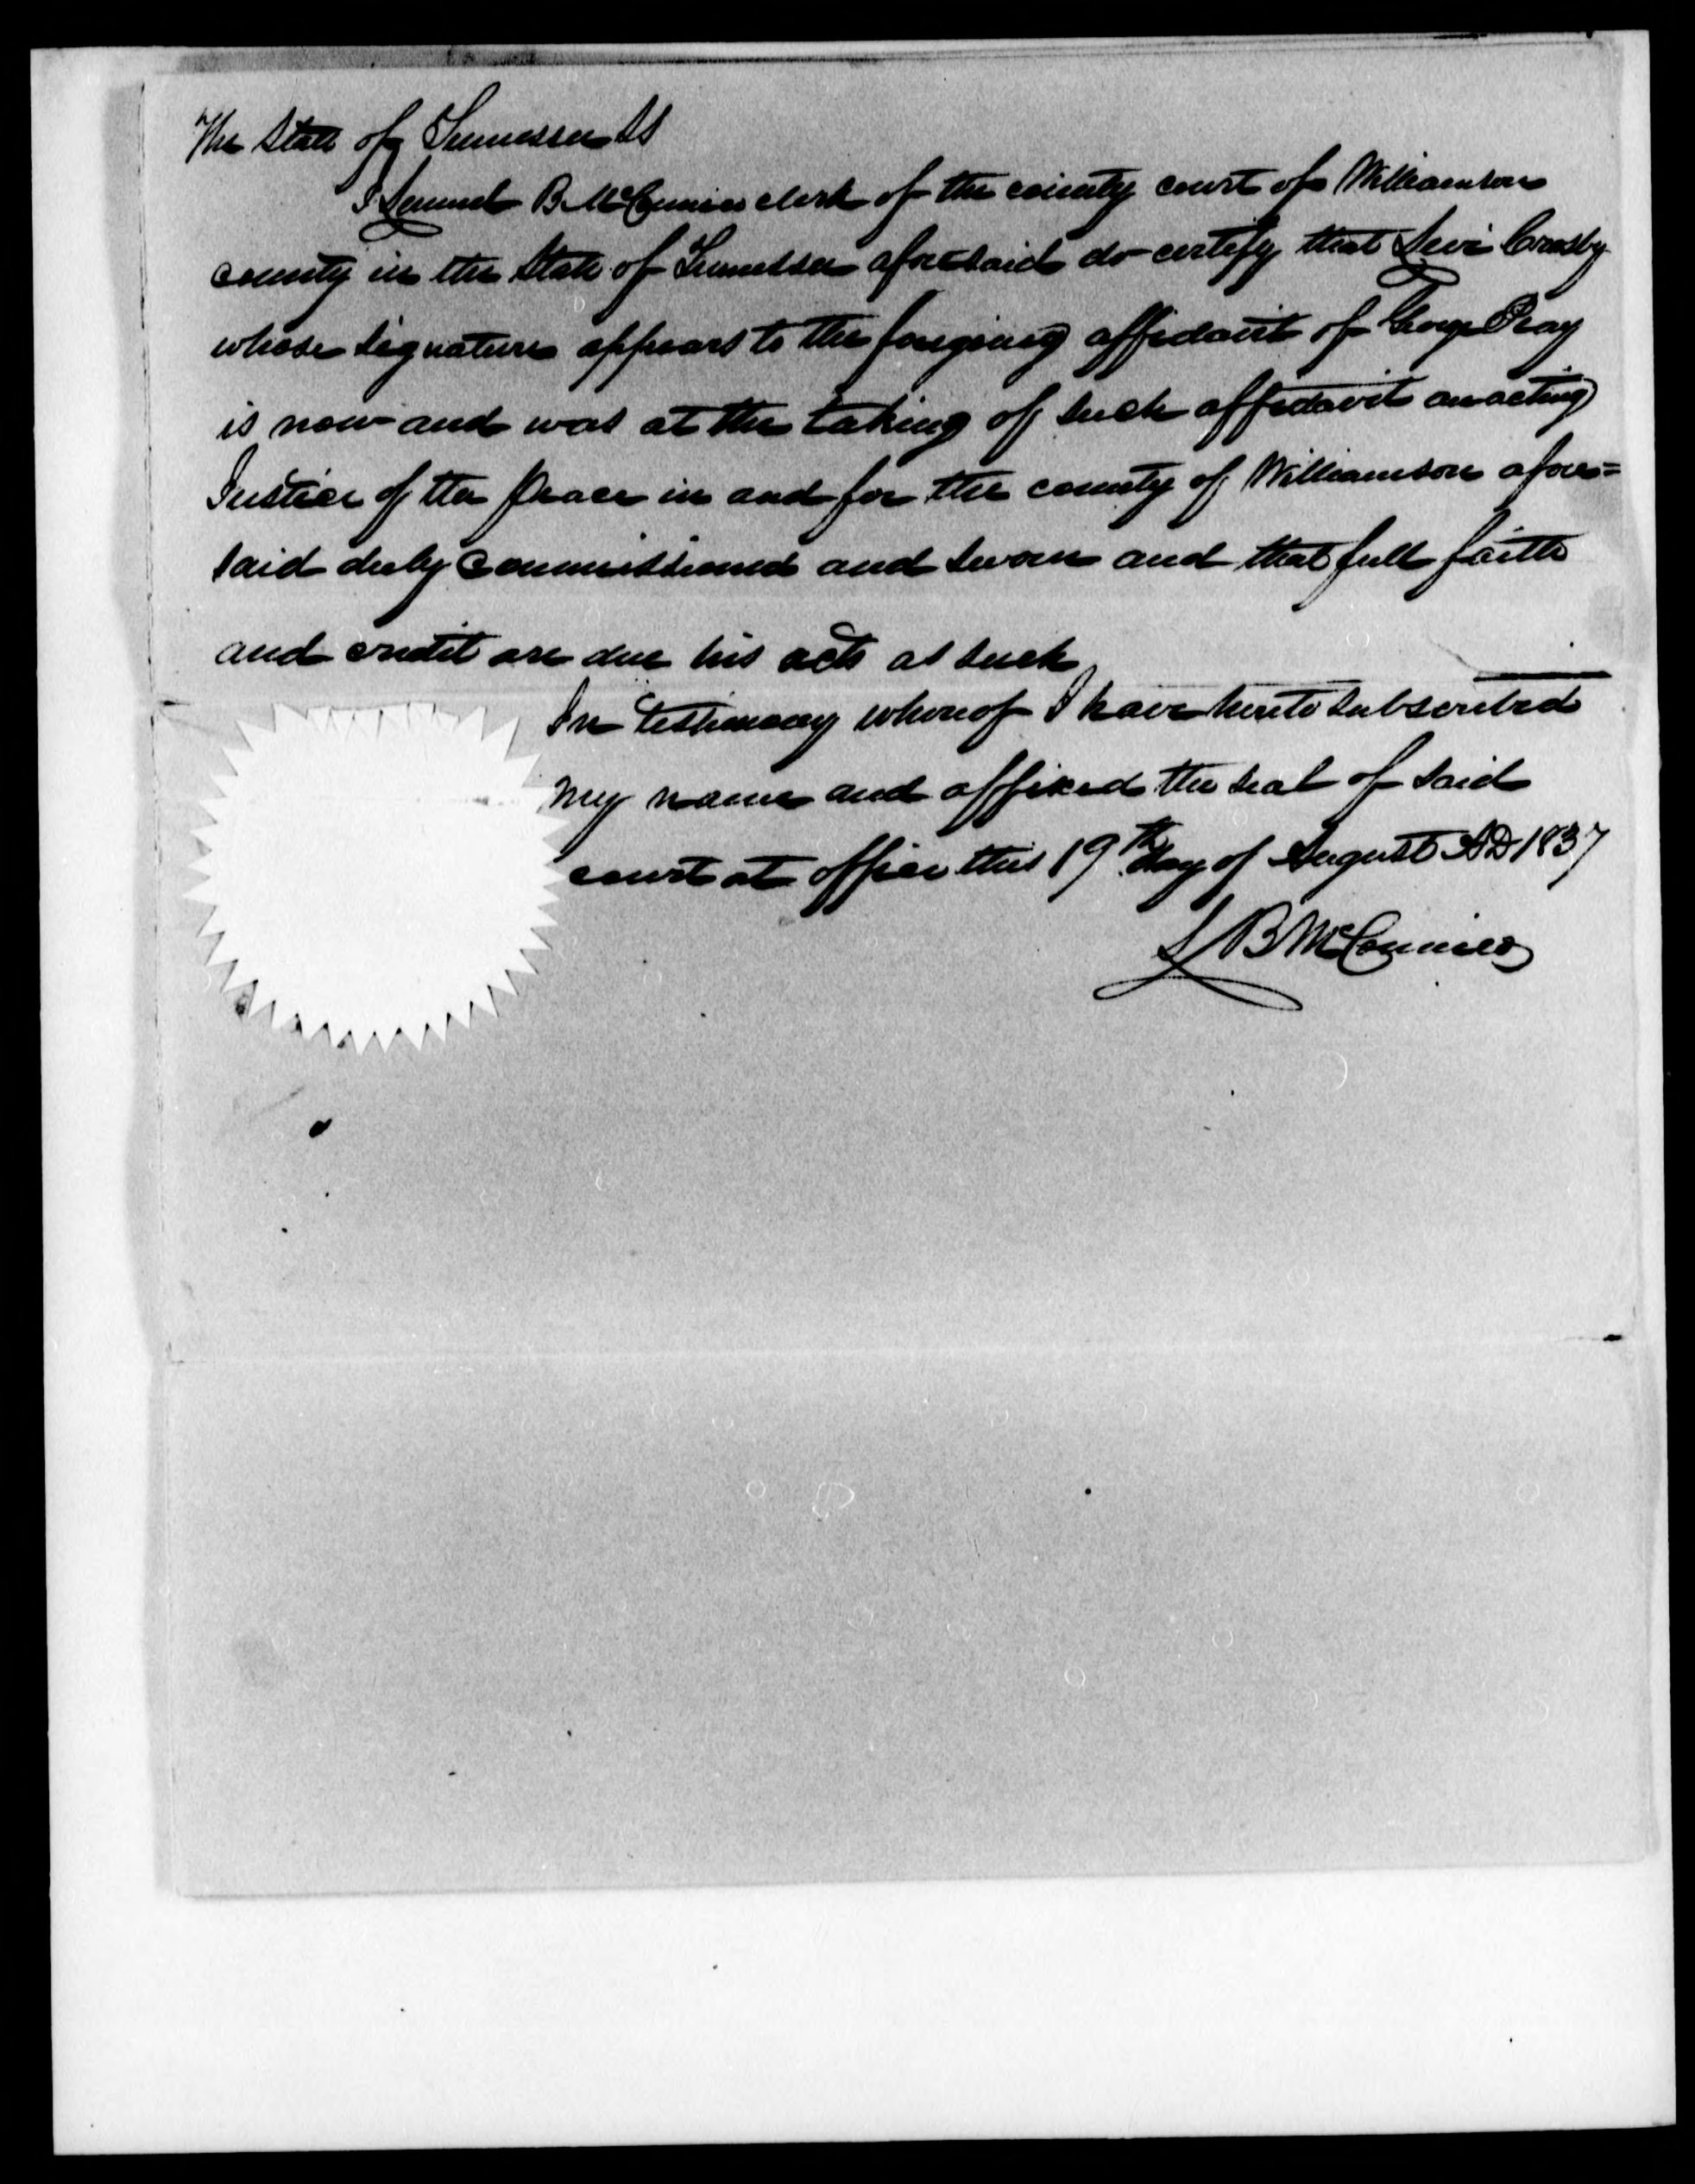The State of Tennessee SS
I Lemuel B McConnico Clerk of the county court of Williamson county in the state of Tennessee aforesaid do certify that Levi Crosby whose Signature appears to the foregoing affidavit of George Peay is now and was at this taking of such affidavit acting Justice of the Peace in and for the county of Williamson aforesaid duly commissioned and Sworn and that full faith and credit are due his acts as such
In testimony whereof I have hereto subscribed my name and affixed the seal of Said courts at office this 19th day of August AD 1837
L. B. McConnico

Circular seal with pointed edging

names: L B Mc Connico, Levi Crosby, Lemuel B Mc Connico, George Peay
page: 44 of 105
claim: survivor's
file: S. 1883, Richard Vernon, N.C.